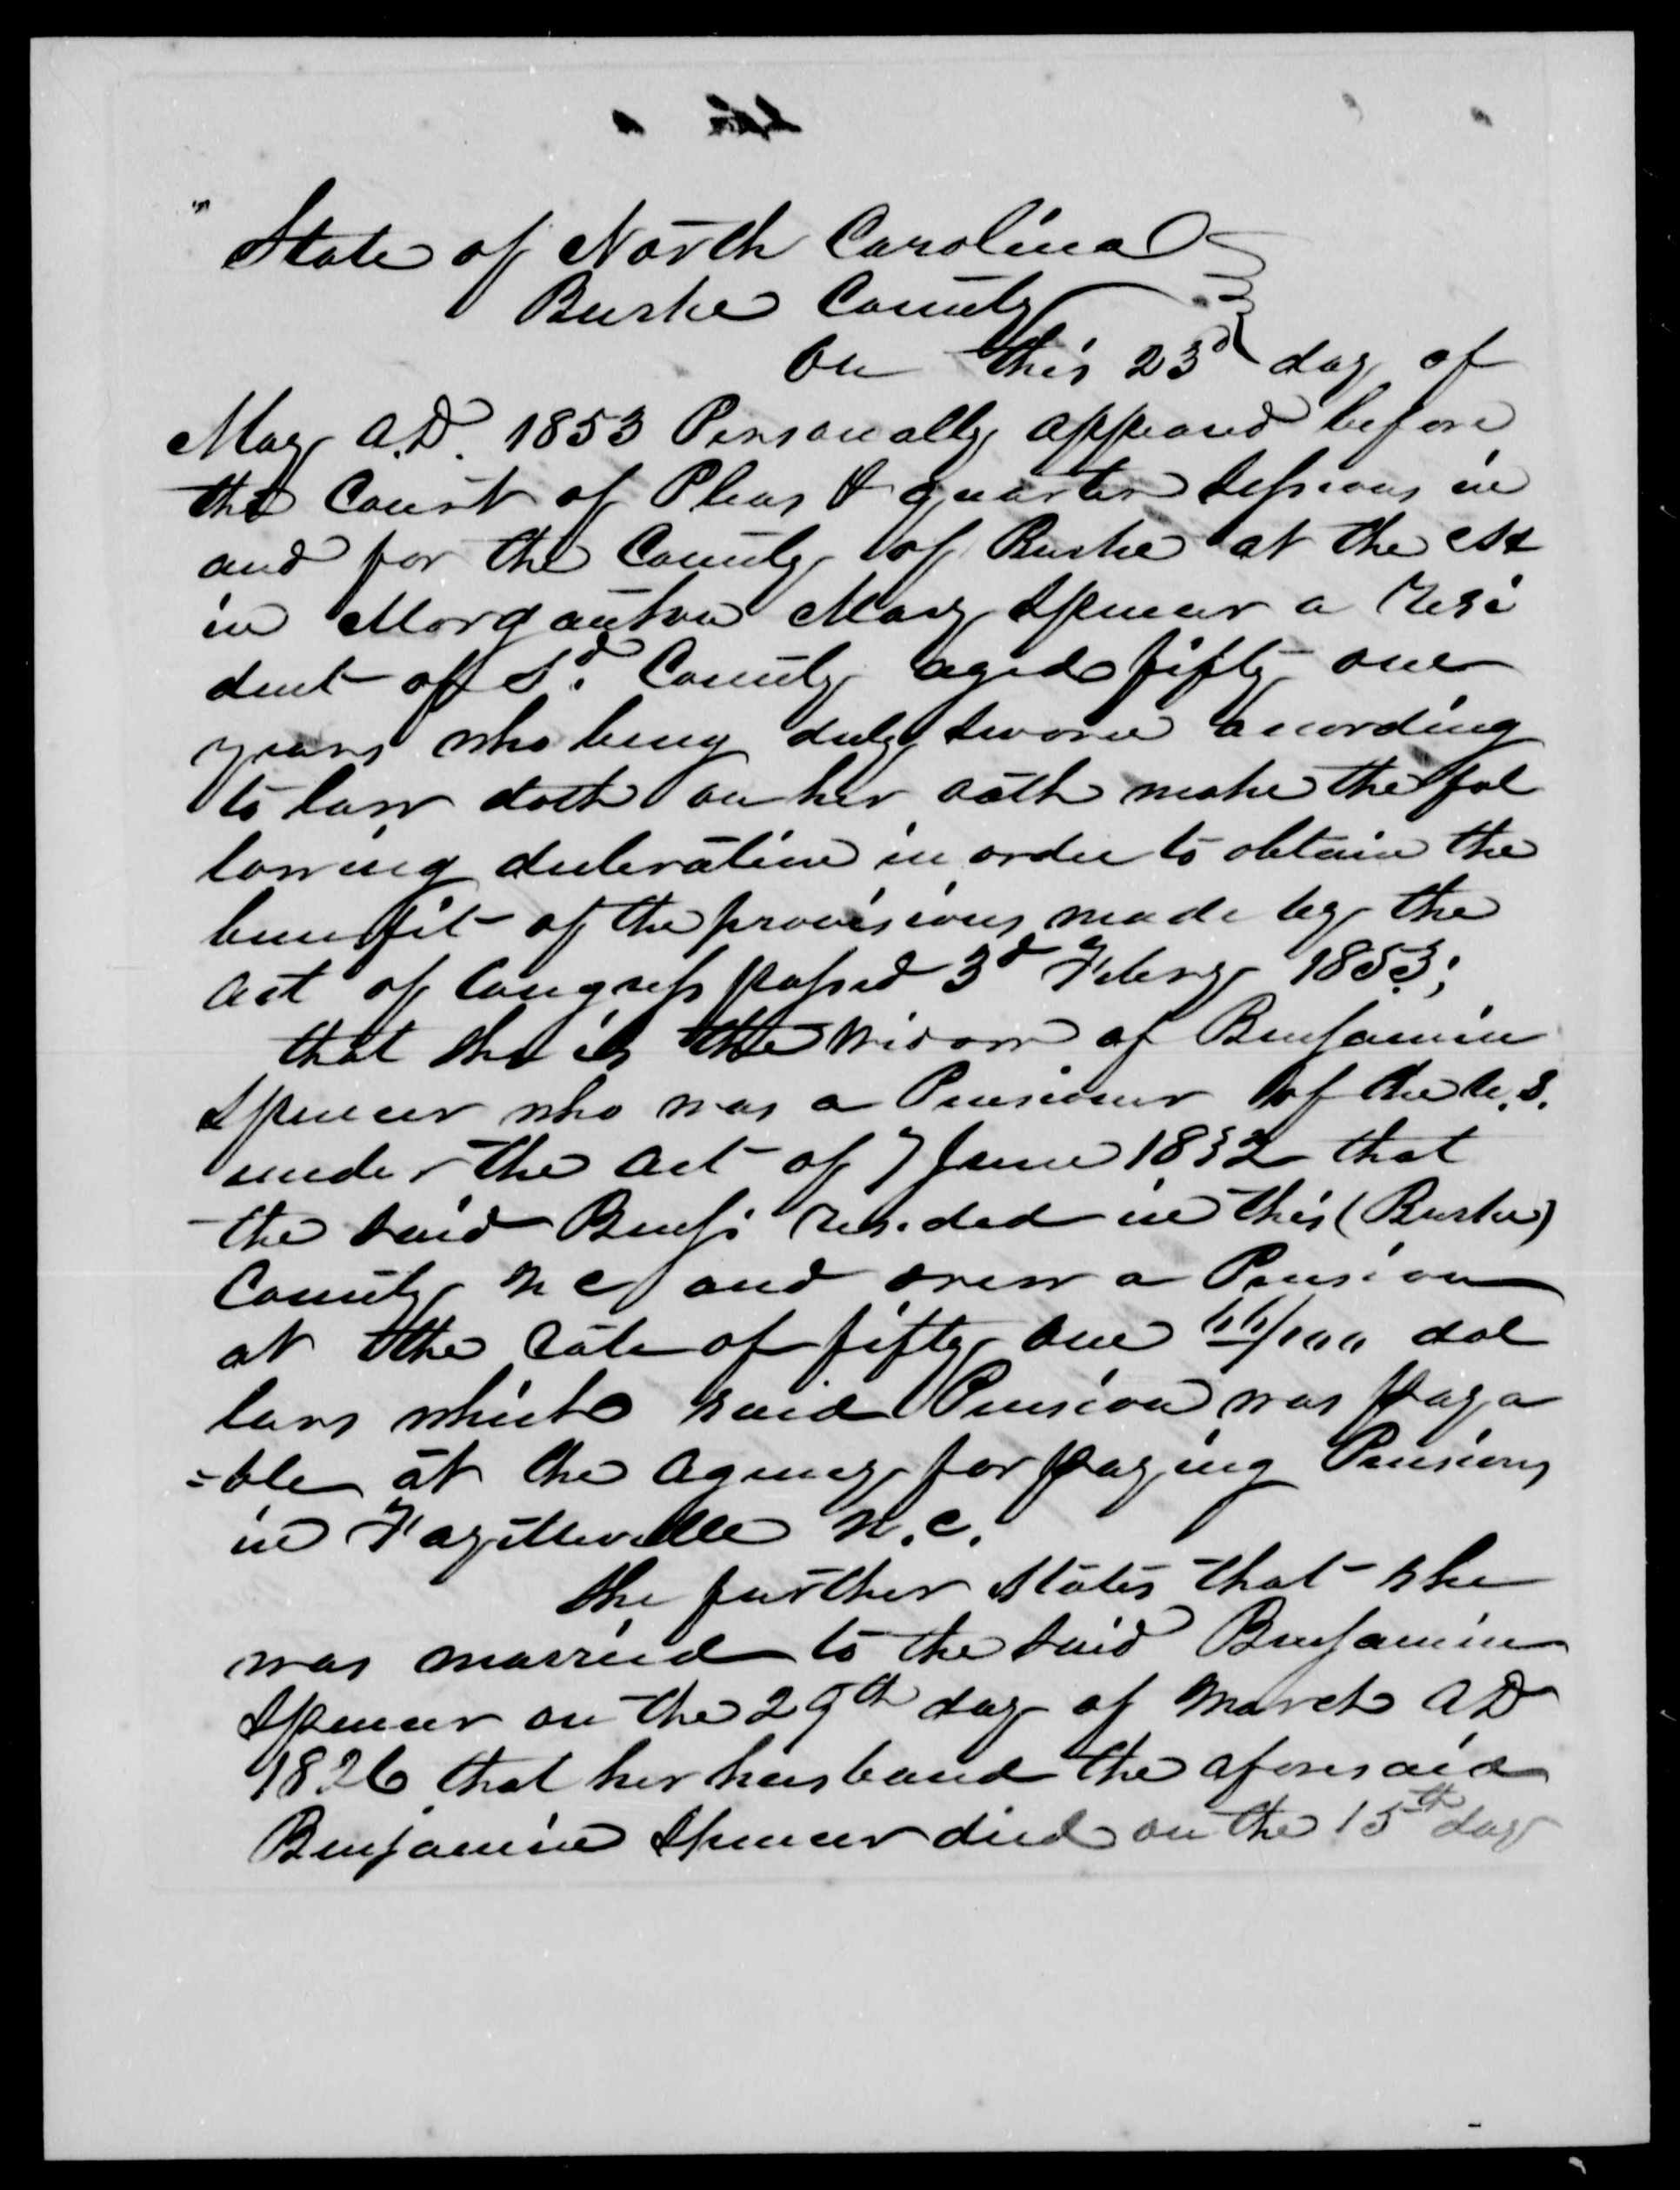State of North Carolina
Burke County
On this 23d day of
May A.D. 1853 Personally appeared before
the Court of Pleas & quarter Sessions in
and for the County of Burke at the [illegible] in Morganton Mary Spencer a resident of S'd. County aged fifty one
years who being duly sworn according to
law doth on her oath make the following declaration in order to obtain the
benefit of the provisions made by the
act of Congress passed 3d Febry 1853.
that she is the widow of Benjamin
Spencer who was a Pensioner of the U.S.
under the act of 7th June 1832 that the
said Benj. resided in this (Burke)
County N C and drew a Pension
at the rate of fifty one 66/100 dollars which said Pension was payable at the agency for paying Pensions
in Fayetteville N.C.
she further states that the
was married to the said Benjamin
Spencer on the 29th day of March AD
1826 that her husband the aforesaid
Benjamin Spencer died on the 15th day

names: Benjamin Spencer; Benjamin Spencer; Benjamin Spencer; Mary Spencer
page: 14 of 63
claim: widow's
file: W. 6158, for Benjamin Spencer, North Carolina